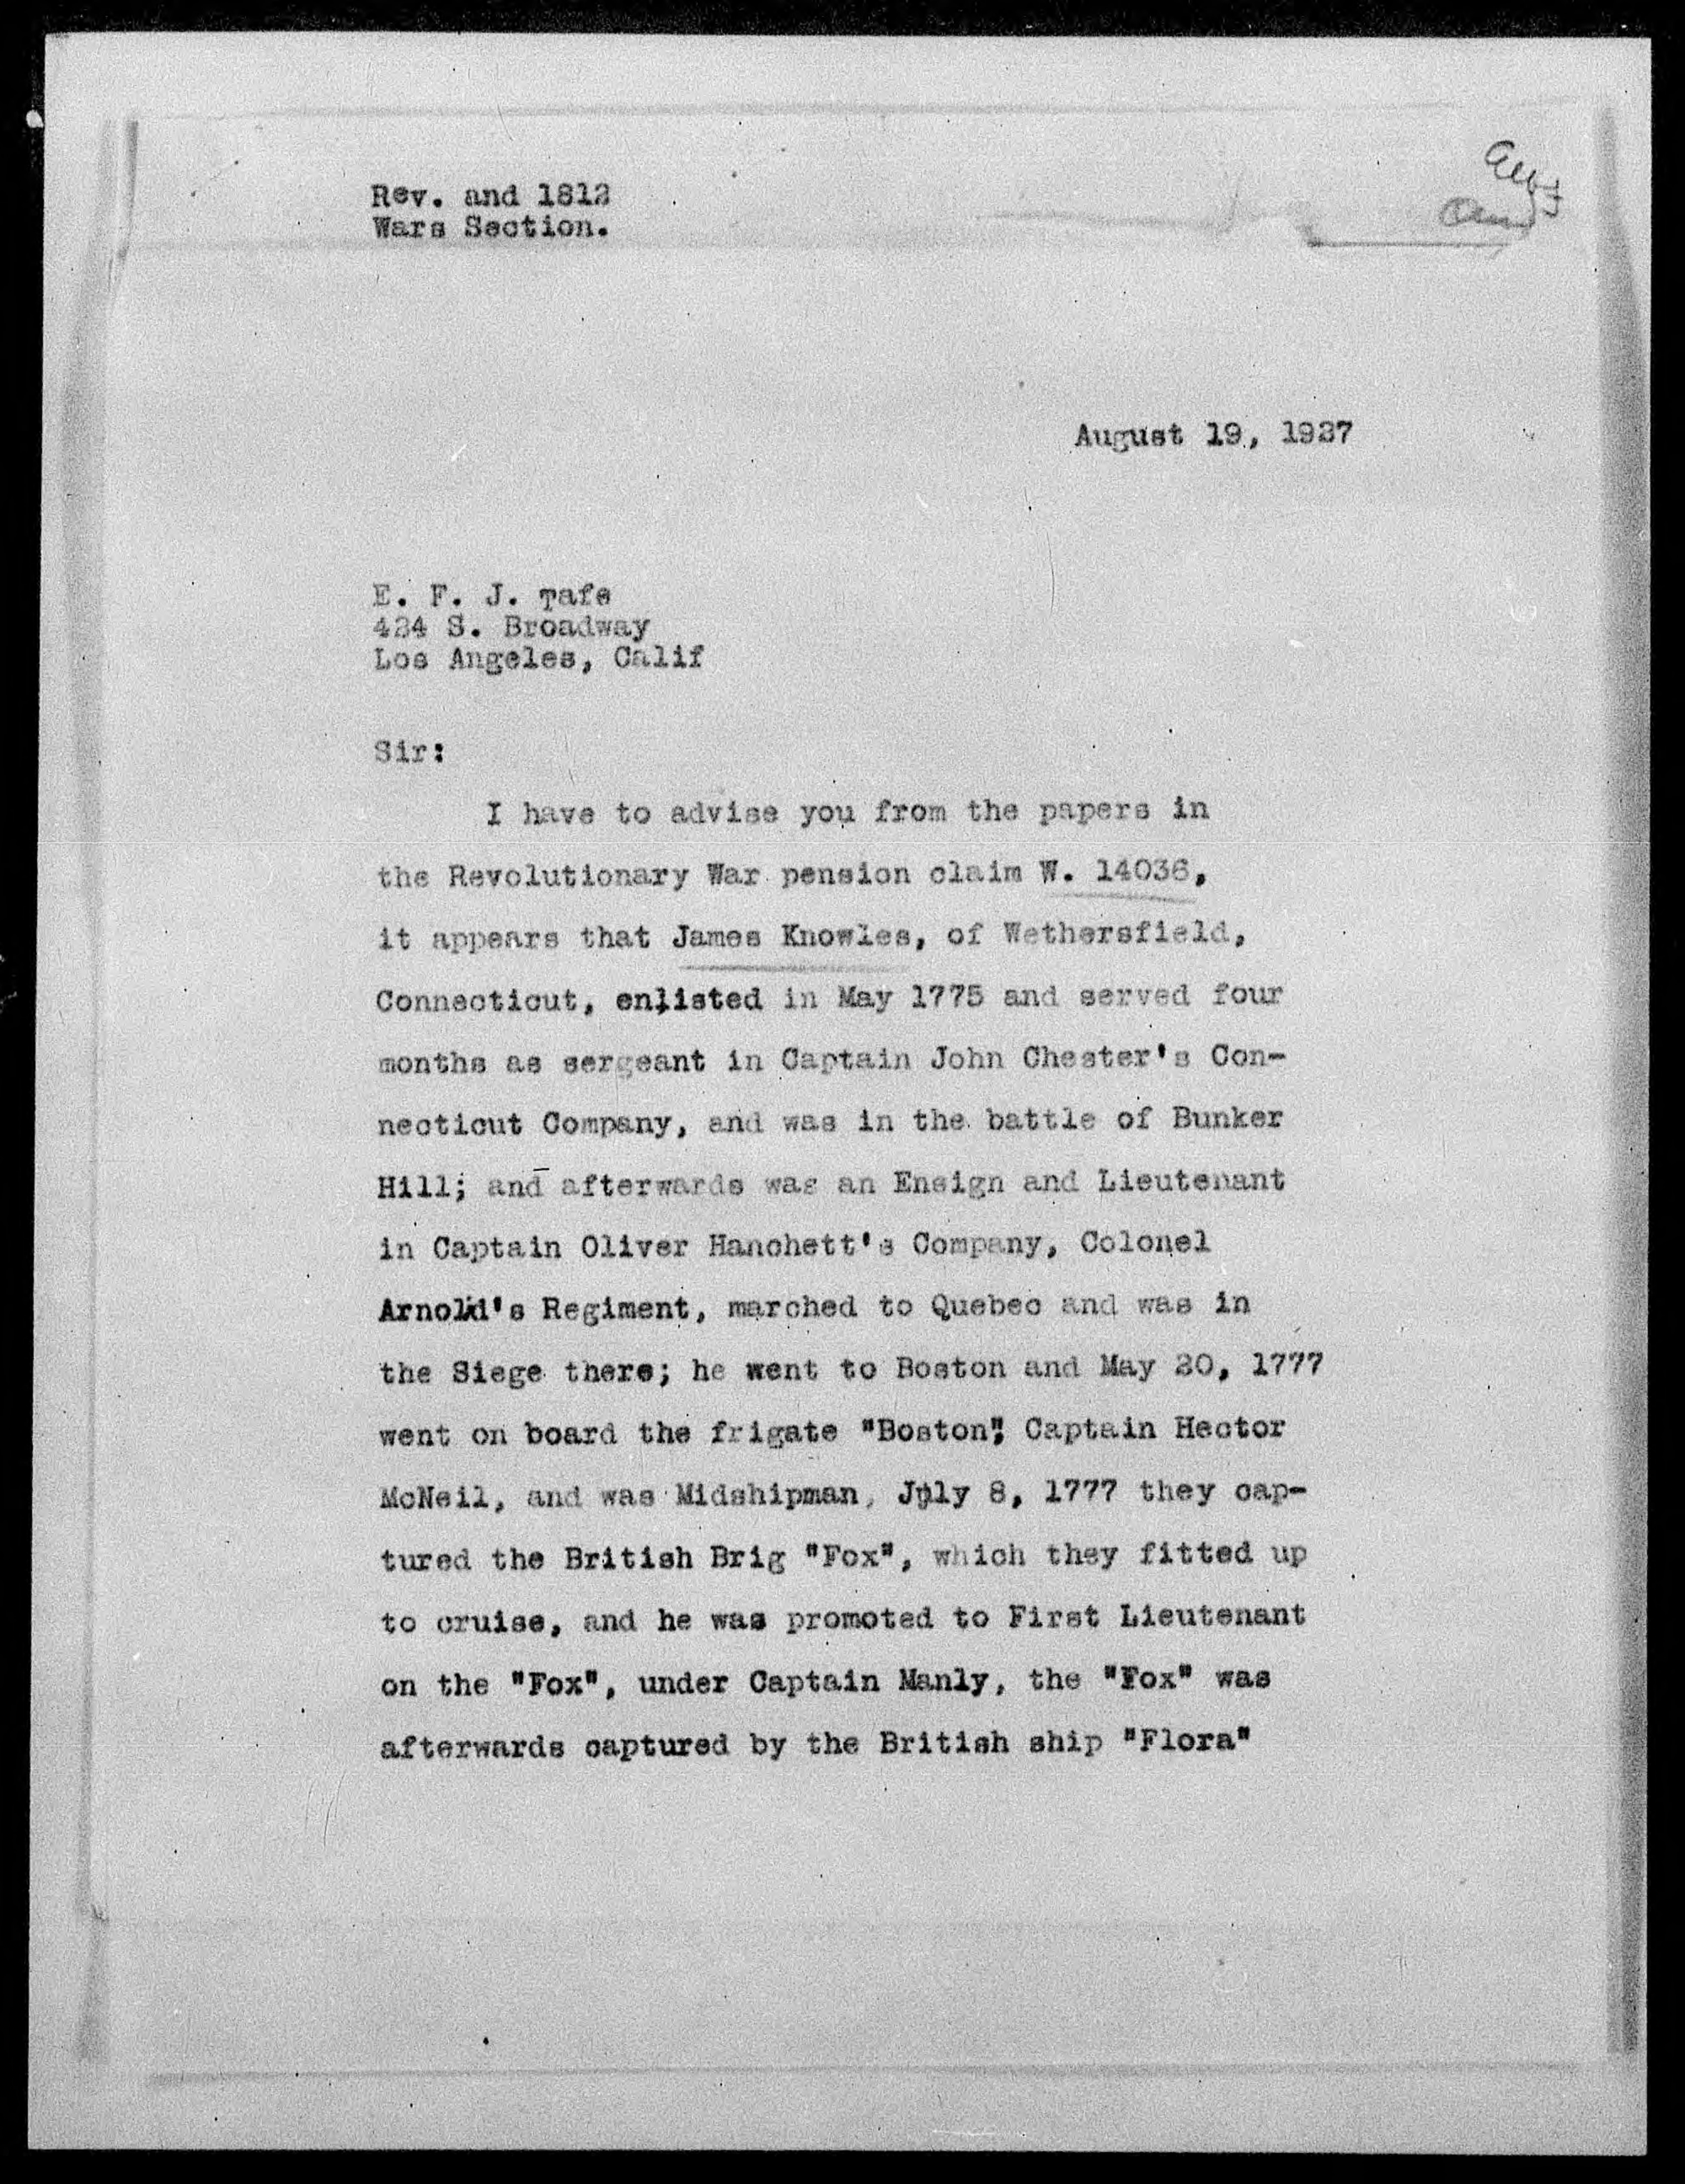Rev. and 1812
Wars Section.

August 19, 1937

E. F. J. Tafe
424 S. Broadway
Los Angeles, Calif

Sir:
I have to advise you from the papers in the Revolutionary War pension claim W. 14036. it appears that James Knowles, of Wethersfield, Connecticut, enlisted in May 1775 and served four months as sergeant in Captain John Chester's Connecticut Company and was in the battle of Bunker Hill; and afterwards was an Ensign and Lieutenant in Captain Oliver Hanchett's Company, Colonel Arnold's Regiment, marched to Quebec and was in the siege there; he went to Boston and May 20, 1777 went on board the frigate "Boston", Captain Hector McNeil, and was Midshipman, July 8, 1777 they captured the British Brig "Fox", which they fitted up to cruise, and he was promoted to First Lieutenant on the "Fox", under Captain Manly, the "Fox" was afterwards captured by the British ship "Flora"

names: Hector Mc Neil; E F J Tafe; [BLANK] Manly; James Knowles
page: 15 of 60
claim: widow's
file: W. 14,036, for James Knowles, Connecticut